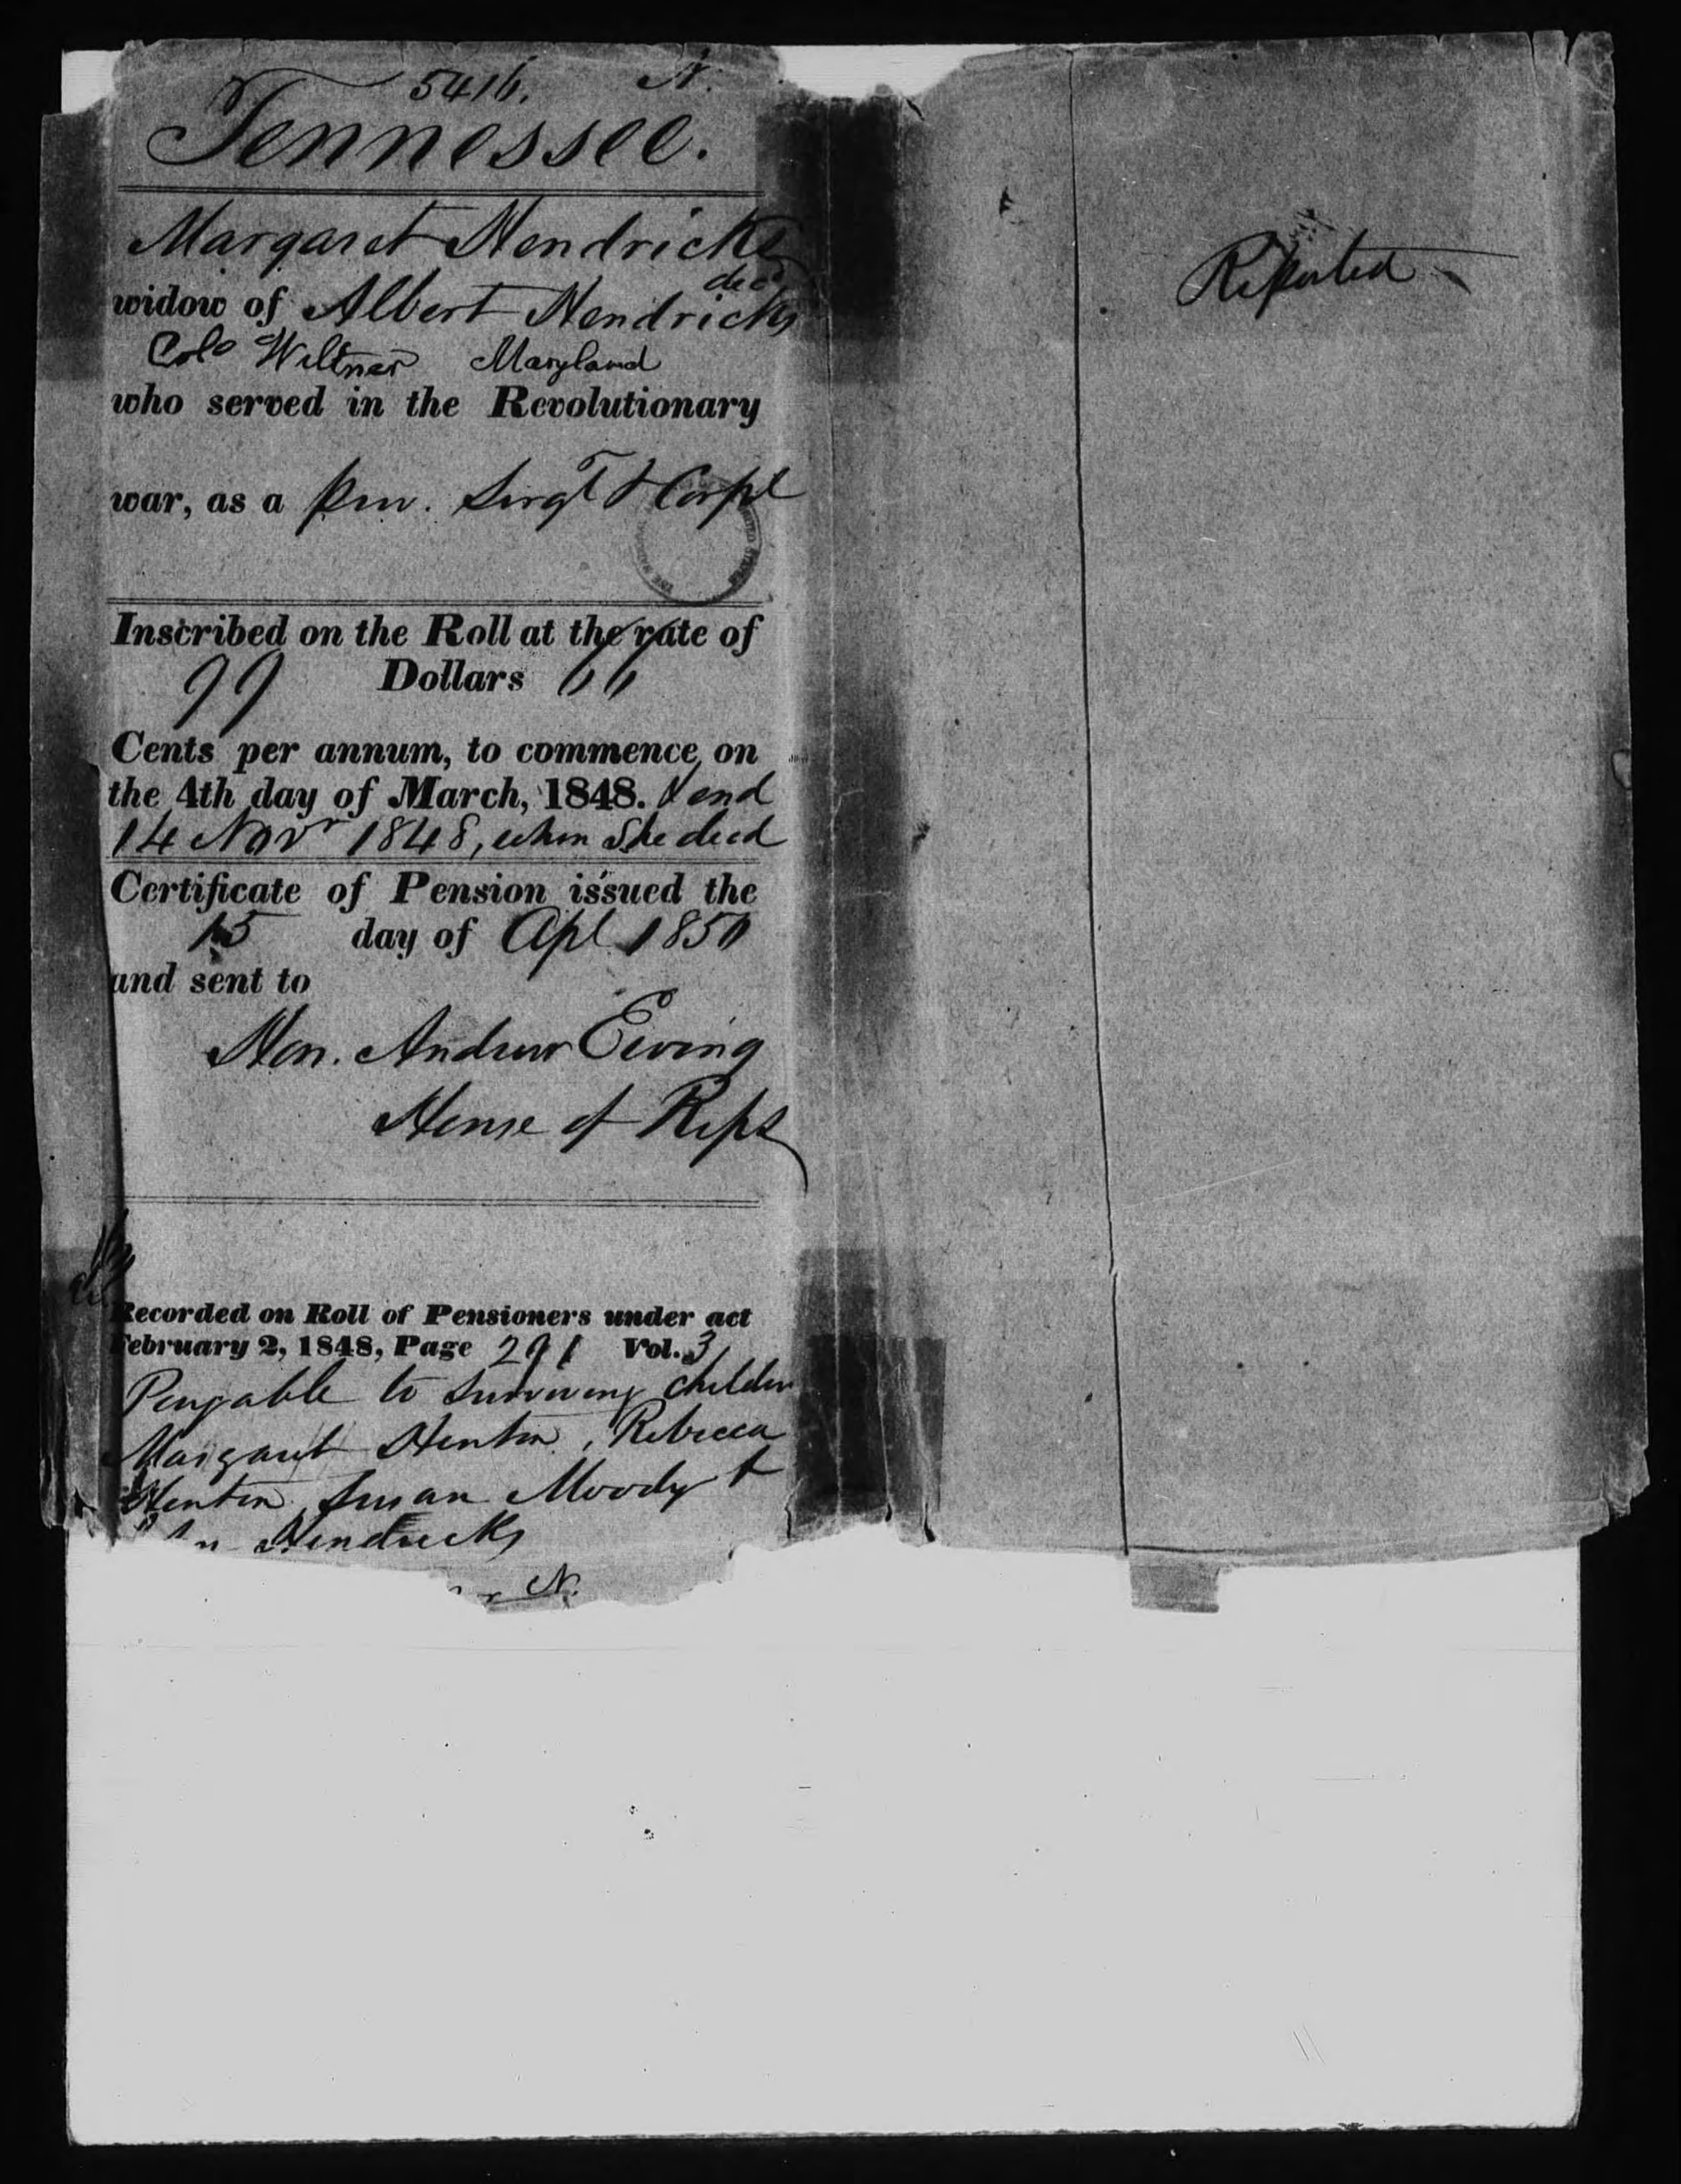5416 TENNESSEE
Margaret Hendricks
widow of Albert Hendricks
Col. Wiltner  Maryland
who served in the Revolutionary
war, as a priv. Sergt & Corpl.
Inscribed on the Roll at the rate of 
99 Dollars 66 
Cents per annum, to commence on 
the 4th day of March 1848 & end 
14 Nov. 1848, when she died
Certificate of Pension Issued the 
15 day of Apl 1850
and sent to
Hon. Andrew Ewing
House of Reps.

Recorded on Roll of Pensioners under act
February 2, 1848, Page 291 Vol. 3
Payable to surviving children 
Margaret Hinton, Rebecca Hinton
Susan Moody & [damaged page illegible] Hendricks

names: Wiltner, Margaret Hinton, Margaret Hendricks, John Hendricks, Albert Hendricks, Andrew Ewing, Rebecca Hinton, Susan Moody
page: 3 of 76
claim: widow's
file: W. 83, Albert Hendricks, Continental Md. N.C.